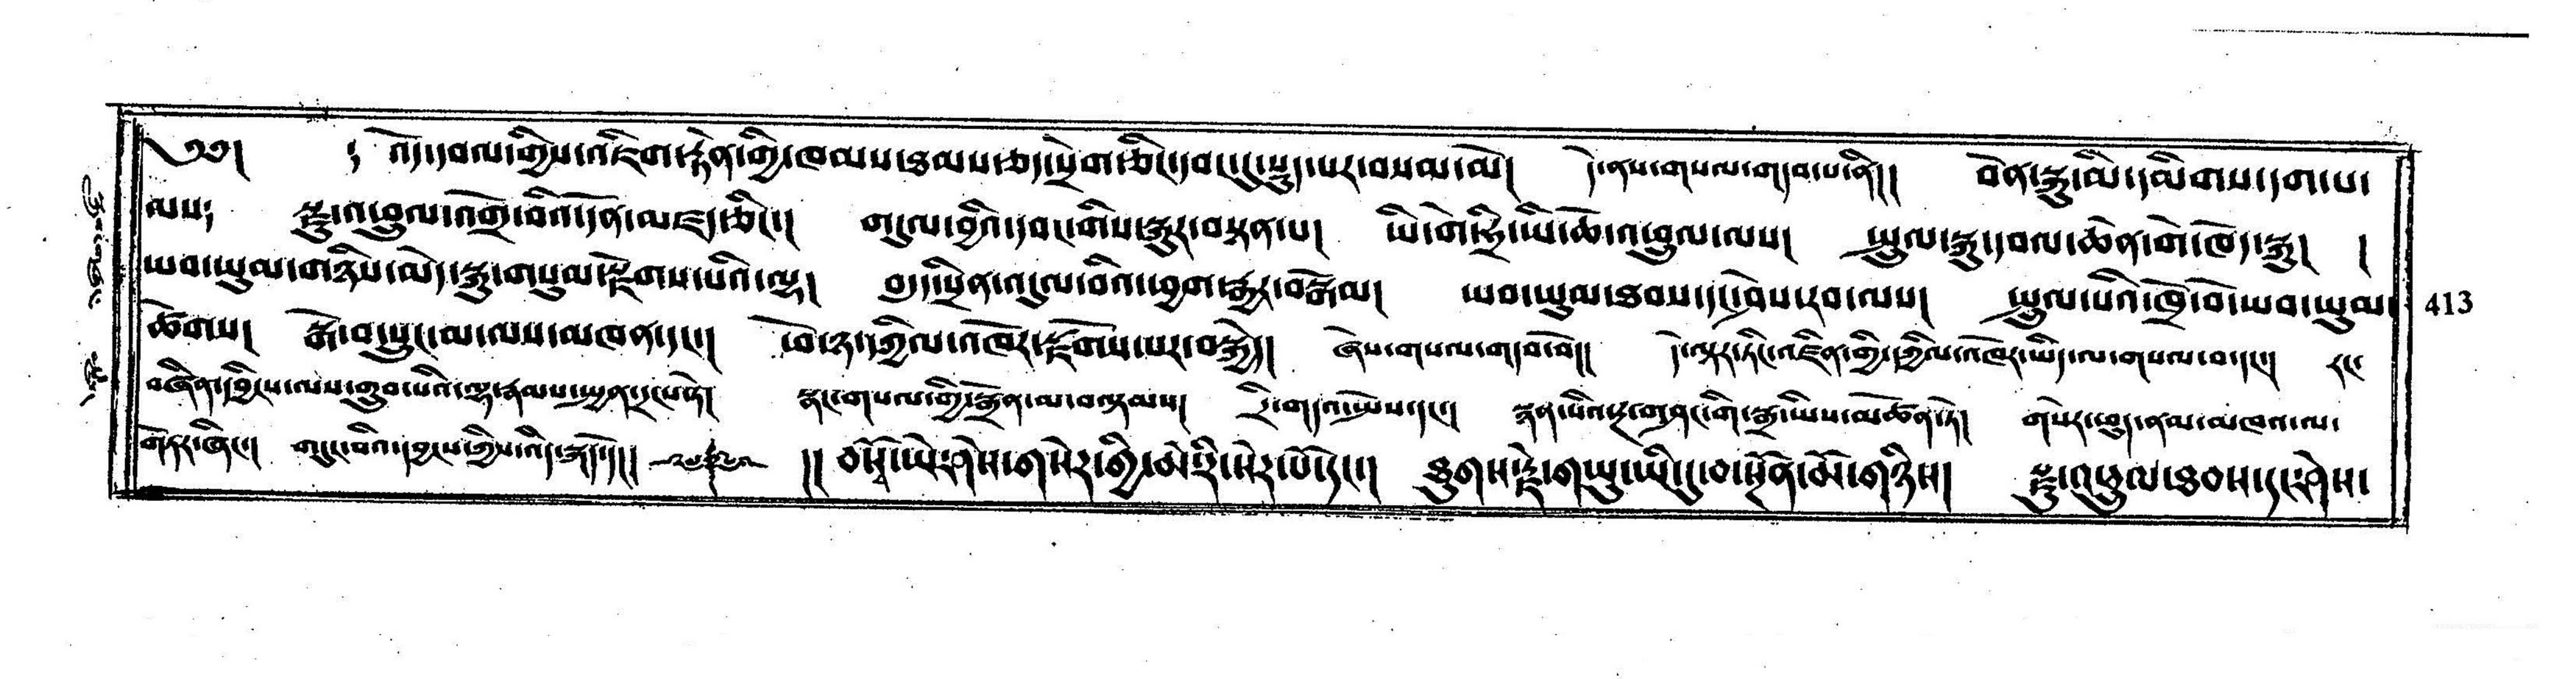འོད་དབལ་གྱིས་འཇིག་རྟེན་གྱི་ཁམས་{423}ཐམས་ཅད་སྲེག་ཅིང་དབང་དུ་སྡུད་པར་བསམ་མོ། དེ་ནས་གསལ་གདབ་པ་ནི།། བོན་སྐུ་མི་དམིགས་དག་པ་
ལས། རྫུ་འཕྲུལ་འགྲོ་བའི་དོན་མཛད་ཅིང་། གདུལ་བྱའི་དབང་གིས་སྐུར་བསྟན་པ། ཡི་གེ་ཧྲི་ཡི་ཆོ་འཕྲུལ་ལས། སྤྲུལ་སྐུ་དབལ་ཆེན་གེ་ཁོད་སྐུ། 
ཡབ་ཡུམ་གཉིས་མེད་སྐུ་གསུམ་རྫོགས་པའི་ལྷ། བདུད་སྲིན་འདུལ་བའི་ཕྱག་རྒྱར་བསྒོམ། ཡབ་ཡུམ་ཐབས་དང་ཤེས་རབ་ལས། སྤྲུལ་པའི་ཁྲོ་བོ་ཡབ་ཡུམ་
ཚོགས། སྒོ་བ་སྲུང་མ་ལས་མཁན་དང་། ཕོ་ཉ་དཀྱིལ་འཁོར་རྫོགས་པར་བསྐྱེད། ཞེས་གསལ་གདབ་བོ། དེ་ལྟར་ཏིང་འཛིན་གྱི་དཀྱིལ་འཁོར་ཡིད་ལ་གསལ་བ་དང་། རང་
བཞིན་དབྱིངས་ལས་གྲུབ་པའི་ལྷ་རྣམས་སྤྱན་དྲངས་ཏེ། སྣང་གསལ་གྱི་སྒྲོན་མ་བལྟམས། དྲི་གདའ་སྤོས་དང་། སྙན་པའི་རྔ་གཤང་གི་སྒྲ་ཡིས་མཚོན་ཏེ། གསེར་ཕུད་ནམ་མཁའ་ལ་
གཏོར་ཞིང་། གདུང་བའི་དབྱངས་ཀྱིས་འདི་སྐད་དོ།། །།བསྭོ་ཡེ་ཤེས་གསེར་གྱི་མེ་རི་སེར་པོ་དང་། ཐུགས་རྗེ་གཡུ་ཡི་དུ་བ་སྔོན་མོ་གཉིས། རྫུ་འཕྲུལ་ཐབས་དང་ཤེས་